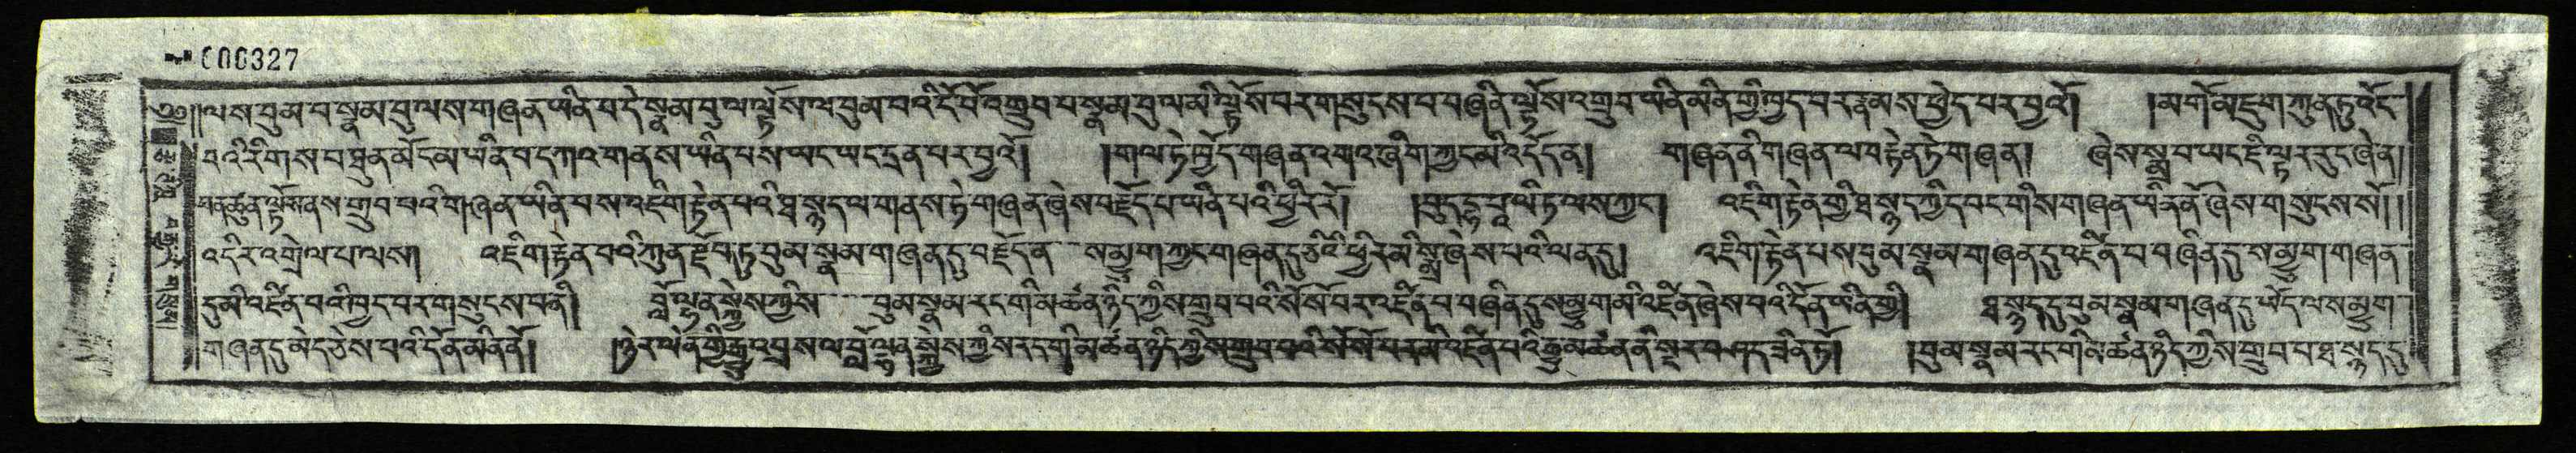༄༅། །ལས་བུམ་པ་སྣམ་བུ་ལས་གཞན་ཡིན་པ་དེ་སྣམ་བུ་ལ་ལྟོས་ལ་བུམ་པའི་ངོ་བོ་འགྲུབ་པ་སྣམ་བུ་ལ་མི་ལྟོས་པར་གསུངས་པ་བཞིན་ལྟོས་འགྲུབ་ཡིན་མིན་གྱི་ཁྱད་པར་རྣམས་ཕྱེད་པར་བྱའོ། །མགོ་མཇུག་ཀུན་ཏུ་འོང་
བའི་རིགས་པ་ཐུན་མོང་མ་ཡིན་པ་དཀའ་གནས་ཡིན་པས་ཡང་ཡང་དྲན་པར་བྱའོ། །གལ་ཏེ་ཁྱོད་གཞན་འགའ་ཞིག་ཀྱང་མི་འདོད་ན། གཞན་ནི་གཞན་ལ་བརྟེན་ཏེ་གཞན། ཞེས་སྨྲ་བ་ཡང་ཇི་ལྟར་རུང་ཞེ་ན།
ཕན་ཚུན་ལྟོས་ནས་གྲུབ་པའི་གཞན་ཡིན་པས་འཇིག་རྟེན་པའི་ཐ་སྙད་ལ་གནས་ཏེ་གཞན་ཞེས་བརྗོད་པ་ཡིན་པའི་ཕྱིར་རོ། །བུད་དྷ་པཱ་ལི་ཏ་ལས་ཀྱང་། འཇིག་རྟེན་གྱི་ཐ་སྙད་ཀྱི་དབང་གིས་གཞན་ཡིན་ནོ་ཞེས་གསུངས་སོ། །
འདིར་འགྲེལ་པ་ལས། འཇིག་རྟེན་པའི་ཀུན་རྫོབ་ཏུ་བུམ་སྣམ་གཞན་དུ་བརྗོད་ནས་མྱུག་ཀྱང་གཞན་དུ་ཅིའི་ཕྱིར་མི་སྨྲ་ཞེས་པའི་ལན་དུ། འཇིག་རྟེན་པས་བུམ་སྣམ་གཞན་དུ་འཛིན་པ་བཞིན་དུས་མྱུག་གཞན་
དུ་མི་འཛིན་པའི་ཁྱད་པར་གསུངས་པ་ནི། བློ་ལྷན་སྐྱེས་ཀྱིས་བུམ་སྣམ་རང་གི་མཚན་ཉིད་ཀྱིས་གྲུབ་པའི་སོ་སོ་བར་འཛིན་པ་བཞིན་དུས་མྱུག་མི་འཛིན་ཞེས་པའི་དོན་ཡིན་གྱི། ཐ་སྙད་དུ་བུམ་སྣམ་གཞན་དུ་ཡོད་ལས་མྱུག་
གཞན་དུ་མེད་ཅེས་པའི་དོན་མིན་ནོ། །ཉེར་ལེན་གྱི་རྒྱུ་འབྲས་ལ་བློ་ལྷན་སྐྱེས་ཀྱིས་རང་གི་མཚན་ཉིད་ཀྱིས་གྲུབ་པའི་སོ་སོ་བར་མི་འཛིན་པའི་རྒྱུ་མཚན་ནི་སྔར་བཤད་ཟིན་ཏོ། །བུམ་སྣམ་རང་གི་མཚན་ཉིད་ཀྱིས་གྲུབ་པ་ཐ་སྙད་དུ་